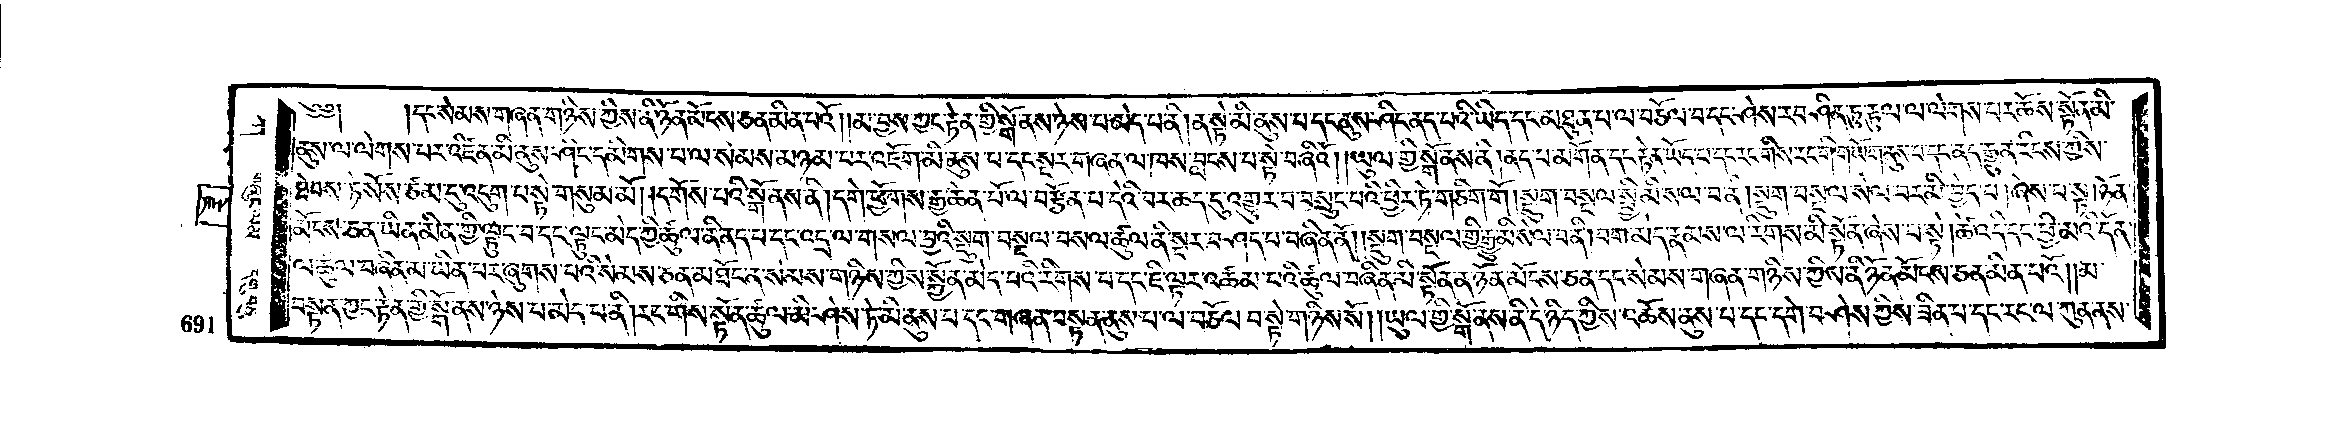༄༅། །དང་སེམས་གཞན་གཉིས་ཀྱིས་ནི་ཉོན་མོངས་ཅན་མིན་པའོ། །མ་བྱས་ཀྱང་རྟེན་གྱི་སྒོ་ནས་ཉེས་པ་མེད་པ་ནི། ན་སྟེ་མི་ནུས་པ་དང་ནུས་ཤིང་ནད་པའི་ཡིད་དང་མཐུན་པ་ལ་བཅོལ་བ་དང་ཤེས་རབ་ཤིན་ཏུ་རྟུལ་ལ་ལེགས་པར་ཆོས་སྟོན་མི་
ནུས་ལ་ལེགས་པར་འཛིན་མི་ནུས་ཤིང་དམིགས་པ་ལ་སེམས་མཉམ་པར་འཇོག་མི་ནུས་པ་དང་སྔར་གཞན་ལ་ཁས་བླངས་པ་སྟེ་བཞིའོ། །ཡུལ་གྱི་སྒོ་ནས་ནི། ནད་པ་མགོན་དང་རྟེན་ཡོད་པ་དང་རང་གིས་རང་གི་གཡོག་ནུས་པ་དང་ནད་རྒྱུན་རིངས་ཀྱིས་
ཐེབས་ཏེ་སོས་ཙམ་དུ་འདུག་པ་སྟེ་གསུམ་མོ། །དགོས་པའི་སྒོ་ནས་ནི། དགེ་ཕྱོགས་རྒྱ་ཆེན་པོ་ལ་བརྩོན་པ་དེའི་བར་ཆད་དུ་འགྱུར་བ་བསྲུང་པའི་ཕྱིར་ཏེ་གཅིག་གོ །སྡུག་བསྔལ་སྤྱི་མི་སལ་བ་ནི། སྡུག་བསྔལ་སེལ་བར་མི་བྱེད་པ། ཞེས་པ་སྟེ། ཉོན་
མོངས་ཅན་ཡིན་མིན་གྱི་ལྟུང་བ་དང་ལྟུང་མེད་ཀྱི་ཚུལ་ནི་ནད་པ་དང་འདྲ་ལ་གསལ་བྱའི་སྡུག་བསྔལ་བསལ་ཚུལ་ནི་སྔར་བཤད་པ་བཞིན་ནོ། །སྡུག་བསྔལ་གྱི་རྒྱུ་མི་སེལ་བ་ནི། བག་མེད་རྣམས་ལ་རིགས་མི་སྟོན་ཞེས་པ་སྟེ། ཚེ་འདི་དང་ཕྱི་མའི་དོན་
ལ་ཚུལ་བཞིན་མ་ཡིན་པར་ཞུགས་པའི་སེམས་ཅན་མཐོང་ན་སེམས་གཉིས་ཀྱིས་སྐྱོན་མེད་པའི་རིགས་པ་དང་ཇི་ལྟར་འཚམ་པའི་ཚུལ་བཞིན་མི་སྟོན་ན་ཉོན་མོངས་ཅན་དང་སེམས་གཞན་གཉིས་ཀྱིས་ནི་ཉོན་མོངས་ཅན་མིན་པའོ། །མ་
བསྟན་ཀྱང་རྟེན་གྱི་སྒོ་ནས་ཉེས་པ་མེད་པ་ནི། རང་གིས་སྟོན་ཚུལ་མི་ཤེས་ཏེ་མི་ནུས་པ་དང་གཞན་བསྟན་ནུས་པ་ལ་བཅོལ་བ་སྟེ་གཉིས་སོ། །ཡུལ་གྱི་སྒོ་ནས་ནི་དེ་ཉིད་ཀྱིས་འཆོས་ནུས་པ་དང་དགེ་བཤེས་ཀྱིས་ཟིན་པ་དང་རང་ལ་ཀུན་ནས་